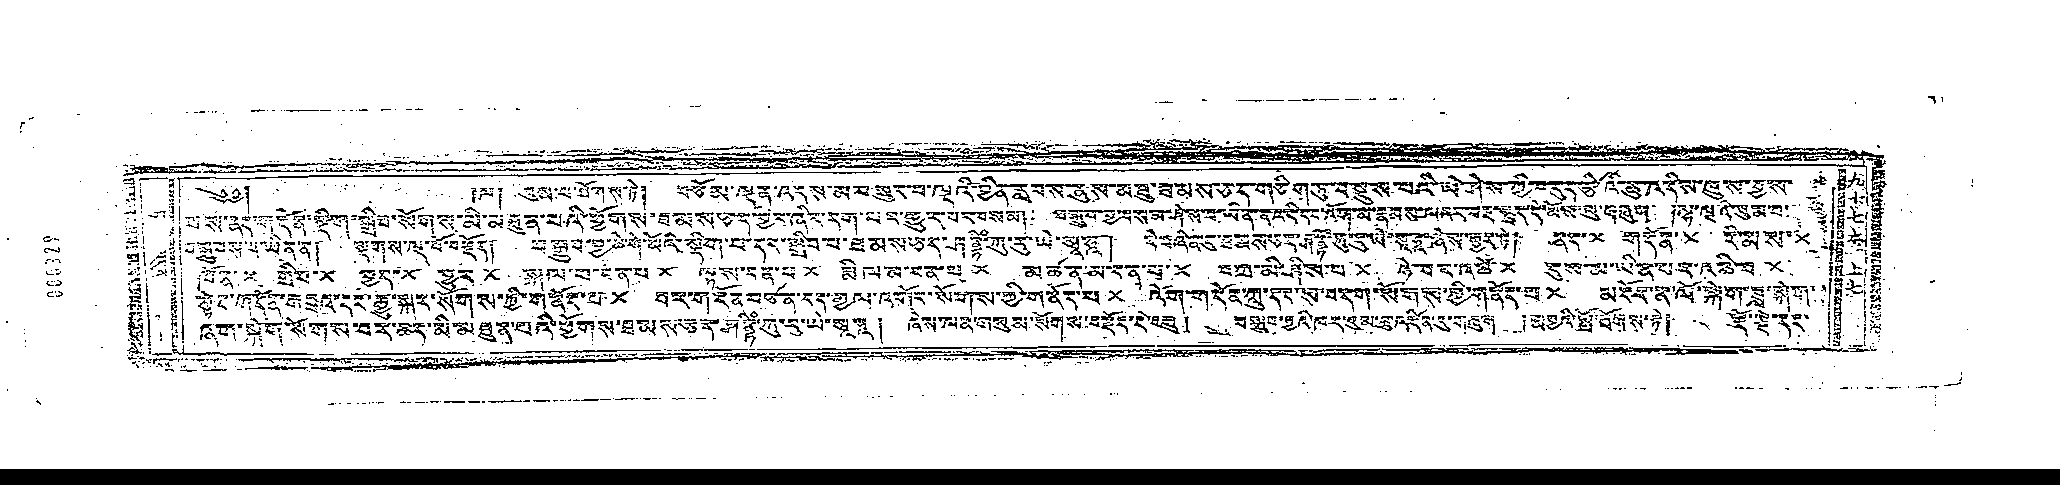༄༅། །ལ། བུམ་པ་ཐོགས་ཏེ། བཅོམ་ལྡན་འདས་མ་བསྲུང་བ་ལྔའི་བྱིན་རླབས་ནུས་མཐུ་ཐམས་ཅད་གཅིག་ཏུ་བསྡུས་པའི་ཡེ་ཤེས་ཀྱི་བདུད་རྩིའི་ཆུ་འདིས་ཁྲུས་བྱས་
པས་ནད་གདོན་སྡིག་སྒྲིབ་སོགས་མི་མཐུན་པའི་ཕྱོགས་ཐམས་ཅད་བྱང་ཞིང་དག་པར་གྱུར་བར་བསམ། བསྒྲུབ་བྱ་བསམ་ཤེས་པ་ཡིན་ན་འདི་དང་འོག་མ་རྣམས་ལའང་བརྡ་སྤྲད་དེ་མོས་སུ་གཞུག །ལྷ་ལྔའི་བུམ་པ་
བསྒྲུབས་པ་ཡིན་ན། སྔགས་ལྔ་པོ་བརྗོད། བསྒྲུབ་བྱ་ཆེ་གེ་མོའི་སྡིག་པ་དང་སྒྲིབ་པ་ཐམས་ཅད་ཤནྟིཾ་ཀུ་རུ་ཡེ་སྭཱ་ཧཱ། དེ་བཞིན་དུ་ཐམས་ཅད་ཤནྟིཾ་ཀུ་རུ་ཡེ་སྭཱ་ཧཱ་ཞེས་སྦྱར་ཏེ། ནང་྾་གདོན་྾་རིམས་྾་
ཁོན་྾་གྲིབ་྾་བྱང་྾་བྱུར་྾་སྐལ་བ་ངན་པ་྾་ལྟས་ངན་པ་྾་རྨི་ལམ་ངན་པ་྾་མཚན་མ་ངན་པ་྾་བཀྲ་མི་ཤིས་པ་྾་ཉེ་བར་འཚེ་྾་དུས་མ་ཡིན་བར་འཆི་བ་྾་
སྟེང་གདོན་གཟའ་ངང་རྒྱུ་སྐར་སོགས་ཀྱི་གནོད་པ་྾་བར་གདོན་བཙན་དང་རྒྱལ་འགོང་སོགས་ཀྱི་གནོད་པ་྾་འོག་གདོན་ཀླུ་དང་ས་བདག་སོགས་ཀྱི་གནོད་པ་྾་མདོར་ན་ལོ་སྐེག་ཟླ་སྐེག་
ཞག་སྐེག་སོགས་བར་ཆད་མི་མཐུན་པའི་ཕྱོགས་ཐམས་ཅད་ཤནྟིཾ་ཀུ་རུ་ཡེ་སྭཱ་ཧཱ། ཞེས་ལན་གསུམ་སོགས་བརྗོད་དེ་བཀྲུ། བསྒྲུབ་བྱའི་ཁར་བུམ་ཆུ་འཛིན་དུ་གཞུག །རྨ་བྱའི་སྒྲོ་ཐོགས་ཏེ། རྡོ་རྗེ་དང་